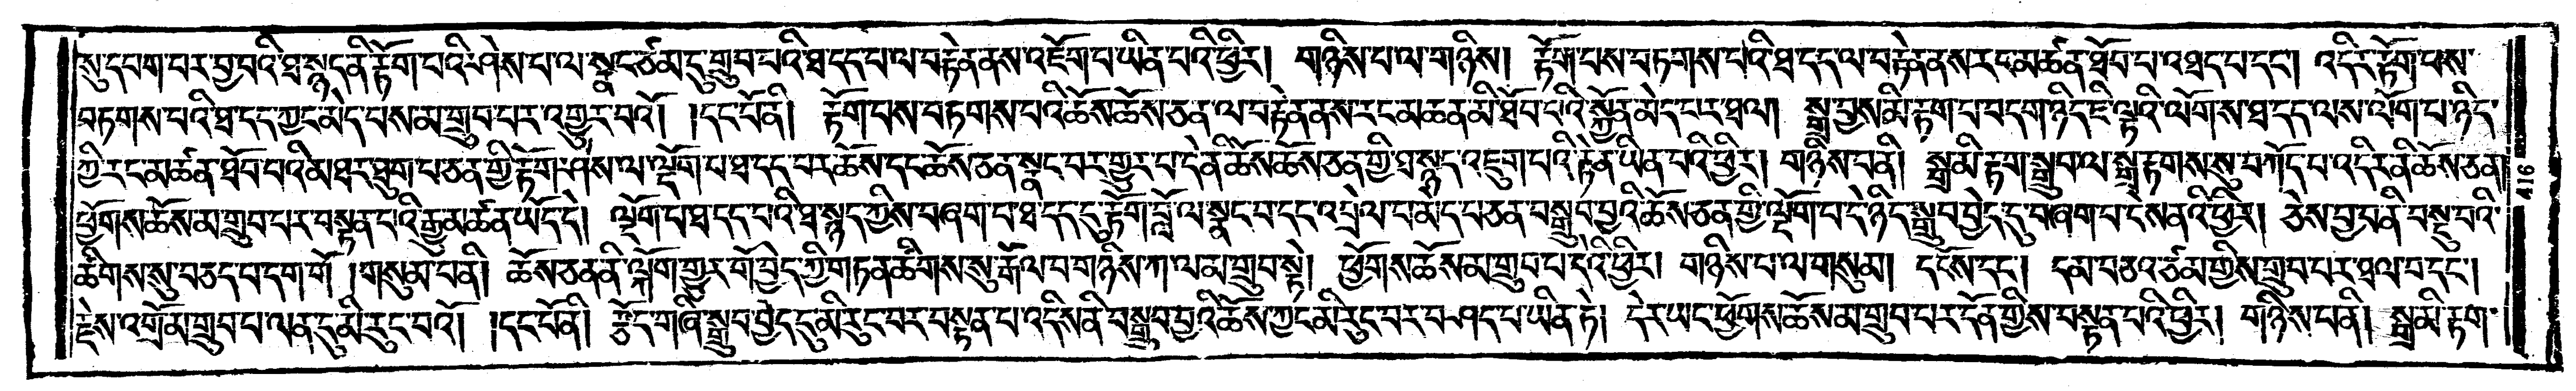སུ་དཔག་པར་བྱ་བའི་ཐ་སྙད་ནི་རྟོག་པའི་ཤེས་པ་ལ་སྣང་ཙམ་དུ་གྲུབ་པའི་ཐ་དད་པ་ལ་བརྟེན་ནས་འཇོག་པ་ཡིན་པའི་ཕྱིར། གཉིས་པ་ལ་གཉིས། རྟོག་པས་བཏགས་པའི་ཐ་དད་ལ་བརྟེན་ནས་རང་མཚན་ཐོབ་པ་འཐད་པ་དང་། འདིར་རྟོག་པས་
བཏགས་པའི་ཐ་དད་ཀྱང་མེད་པས་མ་གྲུབ་པར་འགྱུར་བའོ། །དང་པོ་ནི། རྟོག་པས་བཏགས་པའི་ཆོས་ཆོས་ཅན་ལ་བརྟེན་ནས་རང་མཚན་མི་ཐོབ་པའི་སྐྱོན་མེད་པར་ཐལ། སྒྲ་བྱས་མི་རྟག་པ་བདག་ཉིད་ཇི་ལྟའི་ལོག་ས་ཐ་དད་ལས་ལོག་པ་ཉིད་
ཀྱི་རང་མཚན་ཐོབ་པའི་མཐར་ཐུག་པ་ཅན་གྱི་རྟོག་ཤེས་ལ་ལྡོག་པ་ཐ་དད་པར་ཆོས་དང་ཆོས་ཅན་སྣང་བར་གྱུར་པ་དེ་ནི་ཆོས་ཆོས་ཅན་གྱི་ཐ་སྙད་འཇུག་པའི་རྟེན་ཡིན་བའི་ཕྱིར། གཉིས་བ་ནི། སྒྲ་མི་རྟག་སྒྲུབ་ལ་སྒྲ་རྟགས་སུ་བཀོད་པ་འདིར་ནི་ཆོས་ཅན།
ཕྱོགས་ཆོས་མ་གྲུབ་པར་བསྟན་པའི་རྒྱུ་མཚན་ཡོད་དེ། ལྡོག་པ་ཐ་དད་པའི་ཐ་སྙད་ཀྱིས་བཞག་པ་ཐ་དད་དུ་རྟོག་བློ་ལ་སྣང་བ་དང་འབྲེལ་པ་མེད་པ་ཅན་བསྒྲུབ་བྱའི་ཆོས་ཅན་གྱི་ལྡོག་པ་དེ་ཉིད་སྒྲུབ་བྱེད་དུ་གཞག་པར་ངེས་ནའི་ཕྱིར། ཅེས་བྱ་བ་ནི་བསྡུ་བའི་
ཚིགས་སུ་བཅད་པ་དག་གོ །གསུམ་པ་ནི། ཆོས་ཅན་ནི་ལྐོག་གྱུར་གོ་བྱེད་ཀྱི་གཏན་ཚིགས་སུ་རྒོལ་བ་གཉིས་ཀ་ལ་མ་གྲུབ་སྟེ། ཕྱོགས་ཆོས་མ་གྲུབ་པ་དེའི་ཕྱིར། གཉིས་པ་ལ་གསུམ། དངོས་དང་། དམ་བཅའ་ཙམ་གྱིས་གྲུབ་པར་ཐལ་བ་དང་།
རྗེས་འགྲོ་མ་གྲུབ་པ་ལན་དུ་མི་རུང་བའོ། །དང་པོ་ནི། རྩོད་གཞི་སྒྲུབ་བྱེད་དུ་མི་རུང་བར་བསྟན་པ་འདིས་ནི་བསྒྲུབ་བྱའི་ཆོས་ཀྱང་མི་རུང་བར་བཤད་པ་ཡིན་ཏེ། དེར་ཡང་ཕྱོགས་ཆོས་མ་གྲུབ་པར་དོན་གྱིས་བསྟན་པའི་ཕྱིར། གཉིས་པ་ནི། སྒྲ་མི་རྟག་